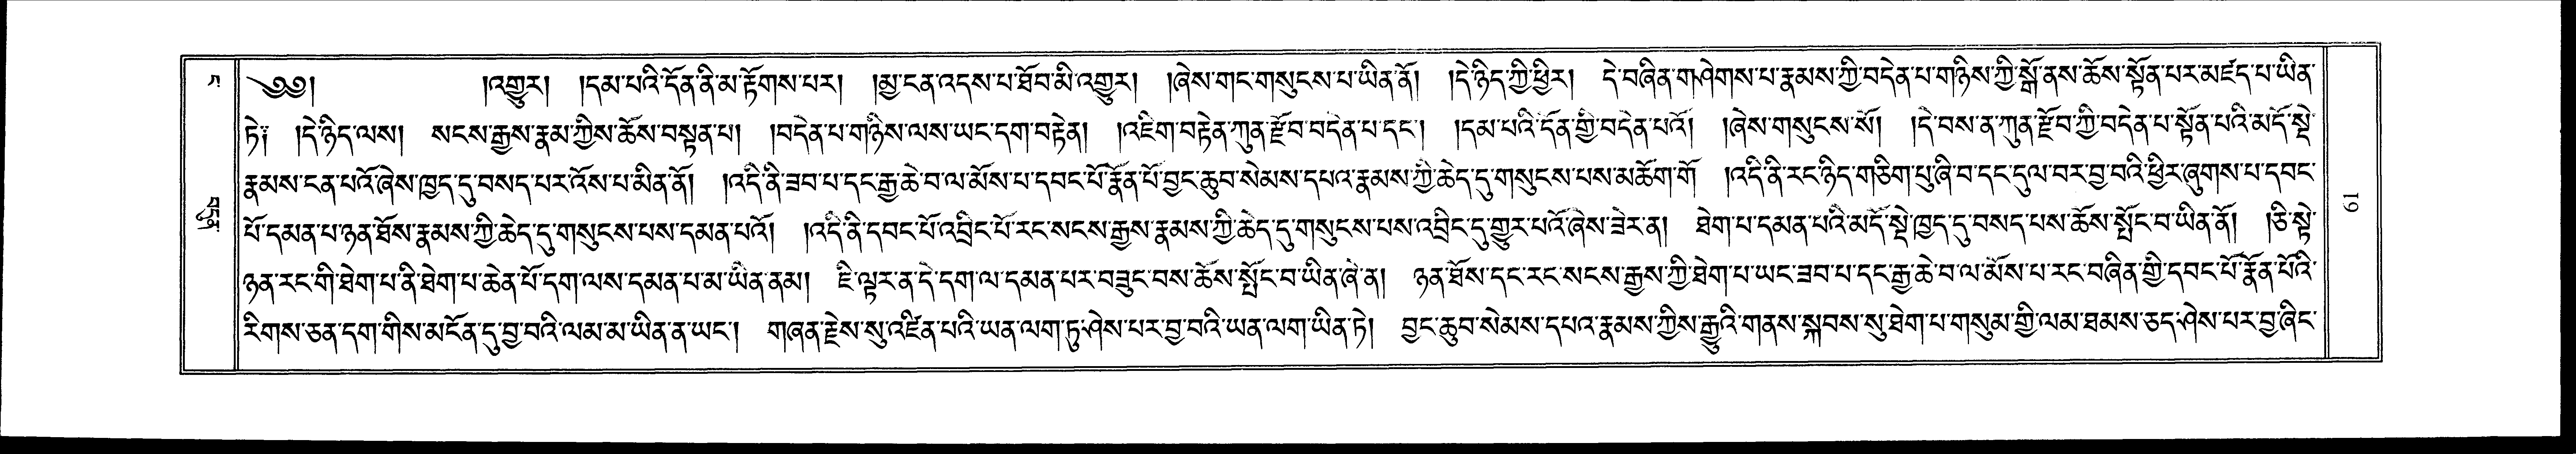༄༅། །འགྱུར། །དམ་པའི་དོན་ནི་མ་རྟོགས་པར། །མྱ་ངན་འདས་པ་ཐོབ་མི་འགྱུར། །ཞེས་གང་གསུངས་པ་ཡིན་ནོ། །དེ་ཉིད་ཀྱི་ཕྱིར། དེ་བཞིན་གཤེགས་པ་རྣམས་ཀྱི་བདེན་པ་གཉིས་ཀྱི་སྒོ་ནས་ཆོས་སྟོན་པར་མཛད་པ་ཡིན་
ཏེ། །དེ་ཉིད་ལས། སངས་རྒྱས་རྣམ་ཀྱིས་ཆོས་བསྟན་པ། །བདེན་པ་གཉིས་ལས་ཡང་དག་བརྟེན། །འཇིག་བརྟེན་ཀུན་རྫོབ་བདེན་པ་དང་། །དམ་པའི་དོན་གྱི་བདེན་པའོ། །ཞེས་གསུངས་སོ། །དེ་བས་ན་ཀུན་རྫོབ་ཀྱི་བདེན་པ་སྟོན་པའི་མདོ་སྡེ་
རྣམས་ངན་པའོ་ཞེས་ཁྱད་དུ་བསད་པར་འོས་པ་མིན་ནོ། །འདི་ནི་ཟབ་པ་དང་རྒྱ་ཆེ་བ་ལ་མོས་པ་དབང་པོ་རྣོན་པོ་བྱང་ཆུབ་སེམས་དཔའ་རྣམས་ཀྱི་ཆེད་དུ་གསུངས་པས་མཆོག་གོ །འདི་ནི་རང་ཉིད་གཅིག་པུ་ཞི་བ་དང་དུལ་བར་བྱ་བའི་ཕྱིར་ཞུགས་པ་དབང་
པོ་དམན་པ་ཉན་ཐོས་རྣམས་ཀྱི་ཆེད་དུ་གསུངས་པས་དམན་པའོ། །འདི་ནི་དབང་པོ་འབྲིང་པོ་རང་སངས་རྒྱས་རྣམས་ཀྱི་ཆེད་དུ་གསུངས་པས་འབྲིང་དུ་གྱུར་པའོ་ཞེས་ཟེར་ན། ཐེག་པ་དམན་པའི་མདོ་སྡེ་ཁྱད་དུ་བསད་པས་ཆོས་སྤོང་བ་ཡིན་ནོ། །ཅི་སྟེ་
ཉན་རང་གི་ཐེག་པ་ནི་ཐེག་པ་ཆེན་པོ་དག་ལས་དམན་པ་མ་ཡིན་ནམ། ཇི་ལྟར་ན་དེ་དག་ལ་དམན་པར་བཟུང་བས་ཆོས་སྤོང་བ་ཡིན་ཞེ་ན། ཉན་ཐོས་དང་རང་སངས་རྒྱས་ཀྱི་ཐེག་པ་ཡང་ཟབ་པ་དང་རྒྱ་ཆེ་བ་ལ་མོས་པ་རང་བཞིན་གྱི་དབང་པོ་རྣོན་པོའི་
རིགས་ཅན་དག་གིས་མངོན་དུ་བྱ་བའི་ལམ་མ་ཡིན་ན་ཡང་། གཞན་རྗེས་སུ་འཛིན་པའི་ཡན་ལག་ཏུ་ཤེས་པར་བྱ་བའི་ཡན་ལག་ཡིན་ཏེ། བྱང་ཆུབ་སེམས་དཔའ་རྣམས་ཀྱིས་རྒྱུའི་གནས་སྐབས་སུ་ཐེག་པ་གསུམ་གྱི་ལམ་ཐམས་ཅད་ཤེས་པར་བྱ་ཞིང་